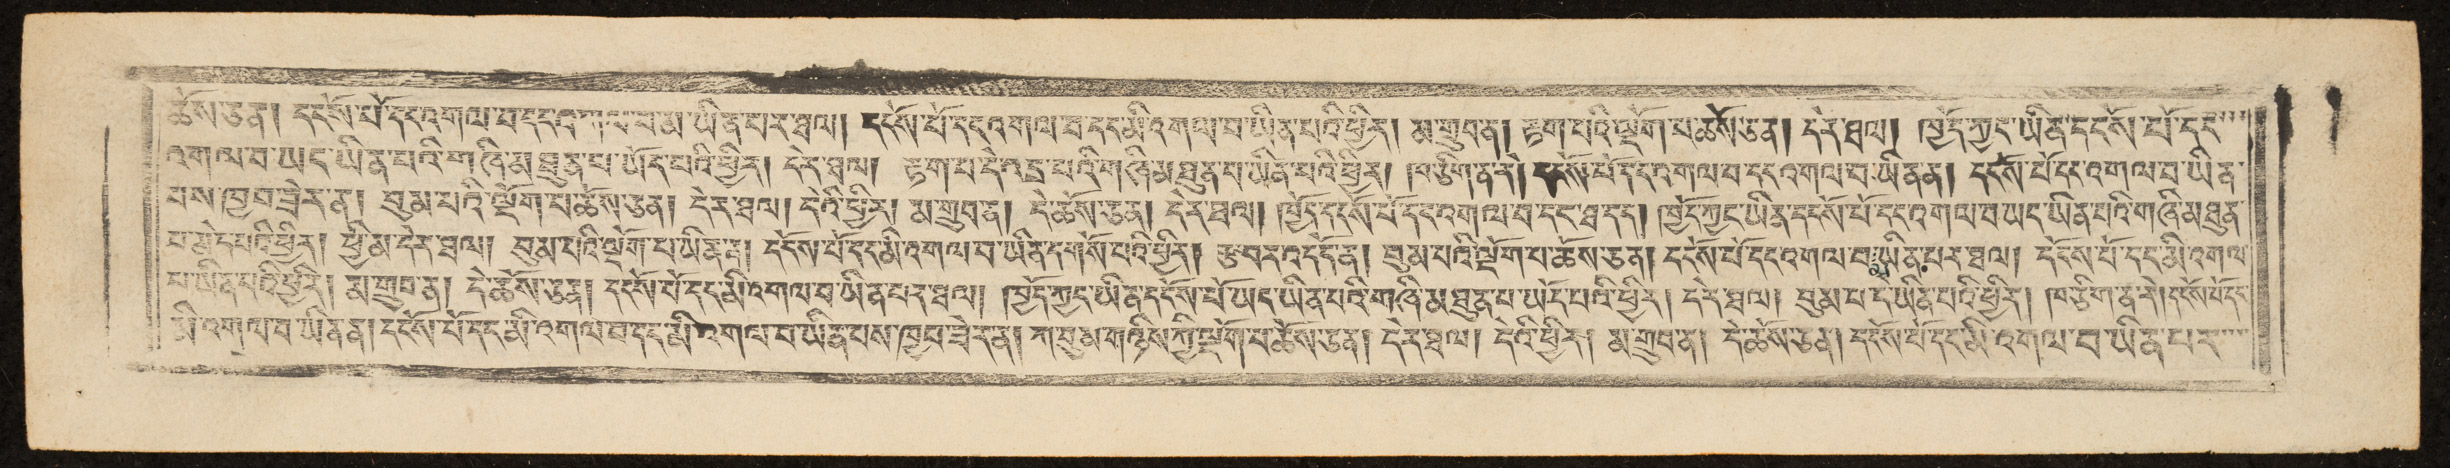ཆོས་ཅན། དངོས་པོ་དང་འགལ་བ་དང་འགལ་བ་མ་ཡིན་པར་ཐལ། དངོས་པོ་དང་འགལ་བ་དང་མི་འགལ་བ་ཡིན་པའི་ཕྱིར། མ་གྲུབ་ན། རྟག་པའི་ལྡོག་པ་ཆོས་ཅན། དེར་ཐལ། ཁྱོད་ཀྱང་ཡིན་དངོས་པོ་དང་
འགལ་བ་ཡང་ཡིན་པའི་གཞི་མཐུན་པ་ཡོད་པའི་ཕྱིར། དེར་ཐལ། རྟག་པ་དེ་འདྲ་བའི་གཞི་མཐུན་པ་ཡིན་པའི་ཕྱིར། ཁ་ཅིག་ན་རེ། དངོས་པོ་དང་འགལ་བ་དང་འགལ་བ་ཡིན་ན། དངོས་པོ་དང་འགལ་བ་ཡིན་པས་
ཁྱབ་ཟེར་ན། བུམ་པའི་ལྡོག་པ་ཆོས་ཅན། དེར་ཐལ། དེའི་ཕྱིར། མ་གྲུབ་ན། དེ་ཆོས་ཅན། དེར་ཐལ། ཁྱོད་དངོས་པོ་དང་འགལ་བ་དང་ཐ་དད། ཁྱོད་ཀྱང་ཡིན་དངོས་པོ་དང་འགལ་བ་ཡང་ཡིན་པའི་གཞི་མཐུན་པ་མེད་
པའི་ཕྱིར། ཕྱི་མ་དེར་ཐལ། བུམ་པའི་ལྡོག་པ་ཡིན་ན། དངོས་པོ་དང་མི་འགལ་བ་ཡིན་དགོས་པའི་ཕྱིར། རྩ་བར་འདོད་ན། བུམ་པའི་ལྡོག་པ་ཆོས་ཅན། དངོས་པོ་དང་འགལ་བ་མ་ཡིན་པར་ཐལ། དངོས་པོ་དང་མི་འགལ་
བ་ཡིན་པའི་ཕྱིར། མ་གྲུབ་ན། དེ་ཆོས་ཅན། དངོས་པོ་དང་མི་འགལ་བ་ཡིན་པར་ཐལ། ཁྱོད་ཁྱང་ཡིན་དངོས་པོ་ཡང་ཡིན་པའི་གཞི་མཐུན་པ་ཡོད་པའི་ཕྱིར། དེར་ཐལ། བུམ་པ་དེ་ཡིན་པའི་ཕྱིར། ཁ་ཅིག་ན་རེ། དངོས་པོ་དང་
མི་འགལ་བ་ཡིན་ན། དངོས་པོ་དང་མི་འགལ་བ་དང་མི་འགལ་བ་ཡིན་པས་ཁྱབ་ཟེར་ན། ཀ་བུམ་གཉིས་ཀྱི་ལྡོག་པ་ཆོས་ཅན། དེར་ཐལ། དེའི་ཕྱིར། མ་གྲུབ་ན། དེ་ཆོས་ཅན། དངོས་པོ་དང་མི་འགལ་བ་ཡིན་པར་